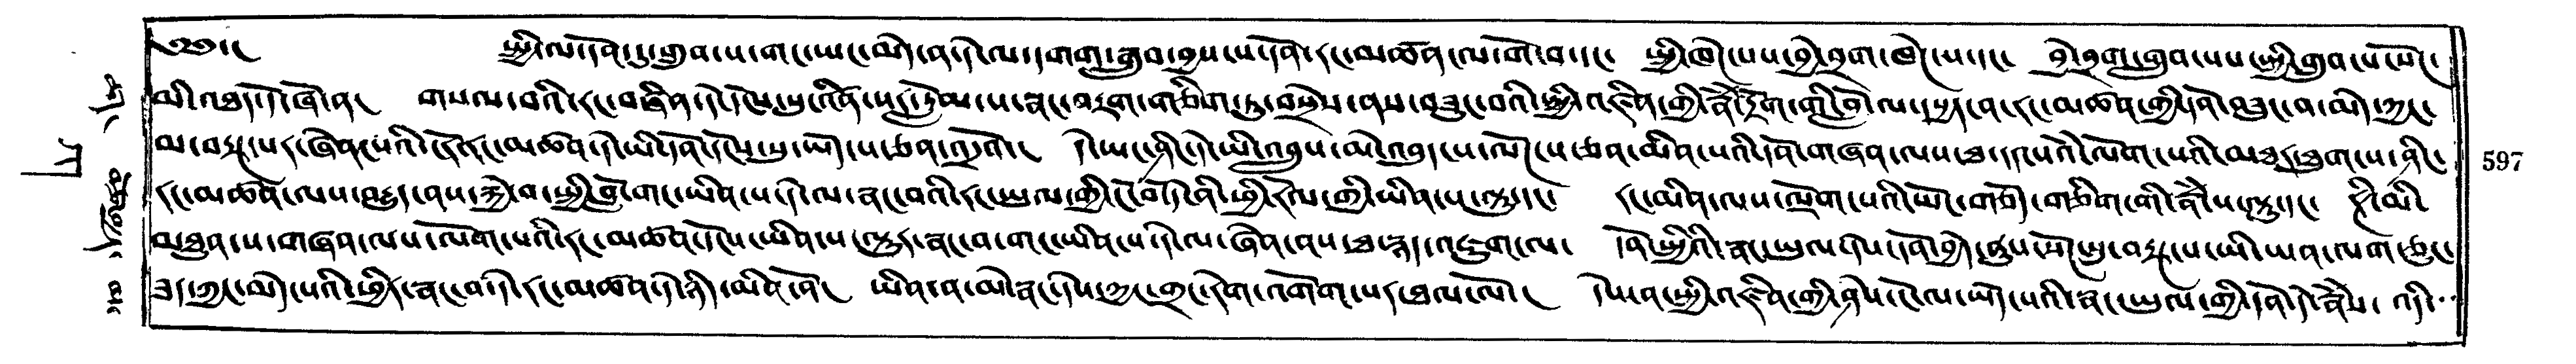སྤྱི་ལ་དོན་དུ་གྲུབ་པ་གང་ཡང་མེད་ན་དེ་ལ་དགག་སྒྲུབ་བྱས་པ་དོན་རང་མཚན་ལ་གོ་བ་དང་། སྤྱི་ཁེགས་པས་བྱེ་བྲག་ཁེགས་པ་དང་། བྱེ་བྲག་གྲུབ་པས་སྤྱི་གྲུབ་པ་སོགས་
མི་འཐད་དོ་ཞེ་ན། གསལ་བའི་རང་བཞིན་དེ་དངོས་སུ་འཛིན་པར་རློམ་པ་སྣང་བརྟགས་གཅིག་ཏུ་བསྲེས་ནས་བཟུང་བའི་སྤྱི་འཛིན་གྱི་རྣམ་རྟོག་གི་བློ་ལ་དཔྱད་ན་རང་མཚན་གྱི་དོན་བཟུང་བ་མེད་ཀྱང་། 
མ་བརྟགས་པར་ཞེན་པའི་ངོར་རང་མཚན་དེའི་དོན་དངོས་སུ་ཡོད་པ་ཅན་འདྲའོ།། དེ་ཡང་ཤིང་དེའི་འབྲས་བུ་མེ་འབུད་པ་ལོག་པ་ཅན་མིན་པའི་དོན་གཞན་ལས་ཐ་དད་པའམ་ལོག་པའི་མཐར་ཐུག་པ་ཤིང་། 
རང་མཚན་ལས་བརྒྱུད་ནས་སྐྱེ་བ་སྤྱི་བློ་གང་ཡིན་པ་དེ་ལ་སྣང་བའི་རང་ཡུལ་གྱི་ངོ་བོ་དེ་ནི་ཕྱི་རོལ་གྱི་ཡིན་པ་ལྟ་བུ་དང་། རང་མིན་ལས་ལྡོག་པའི་ཡོངས་གཅོད་གཅིག་གི་རྣམ་པ་ལྟ་བུ་དང་། རིགས་མི་
མཐུན་པ་གཞན་ལས་ལོག་པའི་རང་མཚན་དངོས་ཡིན་པ་ལྟ་བུར་སྣང་བ་གང་ཡིན་པ་དེ་ལ་ཞེན་ནས་ཐ་སྙད་འཇུག་ལ། དོན་སྤྱིའི་སྣང་ཡུལ་དེས་དོན་བྱེད་ནུས་སོགས་སུ་བརྟགས་པའི་ཡན་ལག་ཅུང་
ཟད་ཀྱང་མེད་པའི་ཕྱིར་སྣང་བ་དེ་རང་མཚན་དེ་ཉིད་མིན་ནོ།། ཡིན་ན་མེ་སྣང་དེས་ཀྱང་གྲང་རེག་འགོག་པར་ཐལ་ལོ།། དེས་ན་སྤྱི་འཛིན་གྱི་ཤེས་ངོ་ལ་ཡོད་པའི་སྣང་ཡུལ་གྱི་དོན་དེ་རྣམས། འདི་